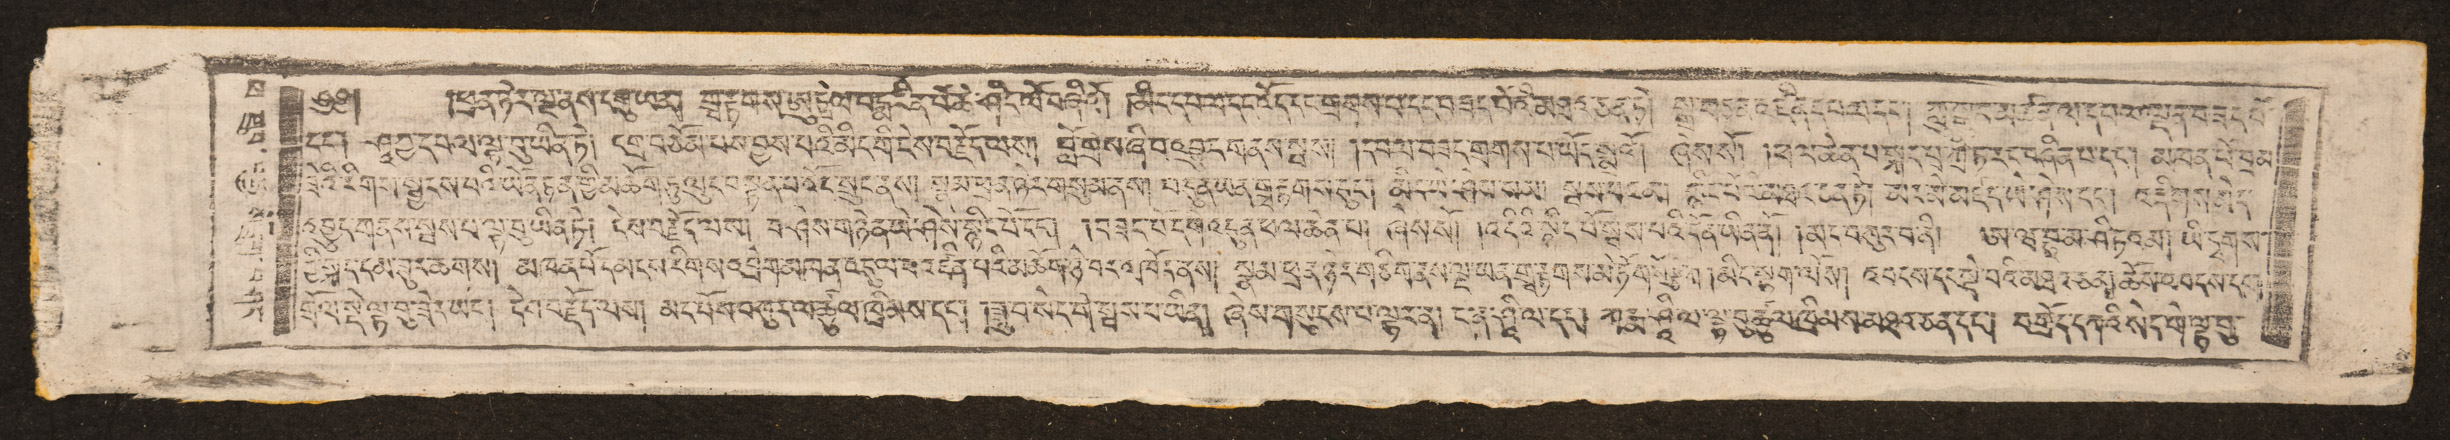༄༅། །ཕྲན་ཉེར་ལྔ་ནས་དགུ་ཡན། གྲྭ་རྟགས་ཨུཏྭལ་པདམ་རིན་པོ་ཆེ་ཤིང་ལོ་བཞི་བོ། །མིང་དཔལ་དང་འོད་དང་གྲགས་པ་དང་བཟང་པོའི་མཐའ་ཅན་ཏེ། སྒྲ་གཅན་འཛིན་དཔལ་དང་། ཀླུ་སྒྲུང་མཚན་ལ་དཔལ་ལྡན་བཟང་པོ་
དང་། ཤཱཀྱ་དཔལ་ལྟ་བུ་ཡིན་ཏེ། དགྲ་བཅོམ་བས་བྱས་པའི་མིང་གི་ངེས་བརྗོད་ལས། བློ་གྲོས་ཞིབ་འབྱུང་གནས་སྤས། །དཔལ་བཟང་གྲགས་པ་ཡོང་སྨྲའོ། ཞེས་སོ། །ཕལ་ཆེན་པ་སྐད་པྲ་ཀྲི་ཏ་རང་བཞིན་པ་དང་། མཁན་པོ་བྲམ་
ཟེའི་རིགས་སྦྱངས་པའི་ཡོན་ཏན་གྱི་མཆོག་ཏུ་ལུང་བསྟན་པ་འོད་སྲུང་ནས། སྣམ་ཕྲན་ཉེར་གསུམ་ནས། བདུན་ཡན་གྭ་རྟགས་དུང་། མིང་ཡེ་ཤེས་སམ། སྦས་བའམ། སྙིང་པོའི་མཐའ་ཅན་ཏེ། མར་མེ་མཛད་ཡེ་ཤེས་དང་། འཇིགས་མེད་
འབྱུང་གནས་སྦས་པ་ལྟ་བུ་ཡིན་ཏེ། ངེས་བརྗོད་ལས། བཤེས་གཉེན་ཡེ་ཤེས་སྙིང་པོ་དང་། །བཟང་པོ་དགེ་འདུན་ཕལ་ཆེན་པ། ཞེས་སོ། །འདིའི་སྙིང་པོ་སྦས་པའི་དོན་ཡིན་ནོ། །མང་བཀུར་བ་ནི། ཨ་ཝ་བྷྲམ་ཤིཏའམ། ཡི་དྭགས་
ཀྱི་སྐད་དམ་ཟུར་ཆགས། མཁན་པོ་དམངས་རིགས་འབྲེག་མཁན་འདུལ་བ་འཛིན་པའི་མཆོག་ཉེ་བར་འཁོར་ནས། སྣམ་ཕྲན་ཉེར་གཅིག་ནས་ལྔ་ཡན་གྲ་རྟགས་མེ་ཏོག་སོ་རྩེཀ །མིང་སྟག་ལོས། འབངས་དང་སྡེ་པའི་མཐའ་ཅན། ཆོས་འབངས་དང་།
གྲོལ་སྡེ་ལྟ་བུ་ཟེར་ཡང་། དེས་བརྗོད་ལས། མང་པོས་བཀུར་ལ་ཚུལ་ཁྲིམས་དང་། །ཟླུབ་སེང་གེ་སྤས་པ་ཡིན། ཞེས་གསུངས་པ་ལྟར་ན། བན་?་ཤཱི་ལ་དང་། ཀརྨ་ཤཱི་ལ་ལྟ་བུ་ཚུལ་ཁྲིམས་མཐའ་ཅན་དང་། བགྲོད་དཀའི་སེང་གེ་ལྟ་བུ་